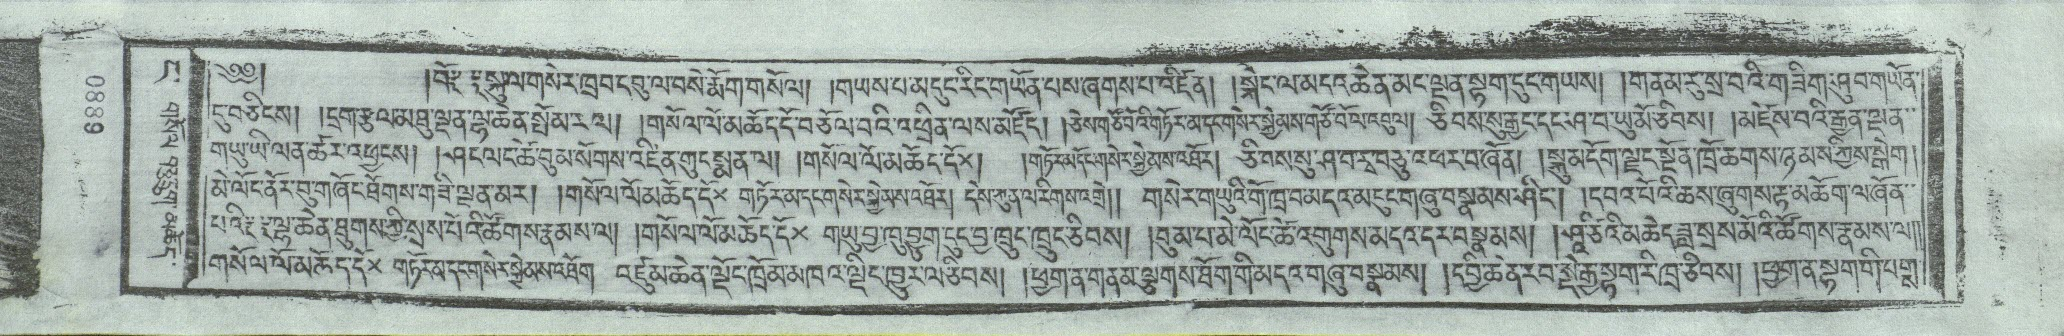༄༅། །བོ༑ ༑སྐུལ་གསེར་ཁྲབ་དབུ་ལ་བསེ་རྨོག་གསོལ། །གཡས་པ་མདུང་རིང་གཡོན་པས་ཞགས་པ་འཛིན། །སྐེང་ལ་མངའ་ཆེན་མང་ལྡན་སྟག་དུང་གཡས། །གནམ་རུ་སྲ་བའི་གཟིག་ཤུབ་པ་གཡོན་
དུ་བཅིངས། །དྲག་རྩལ་མཐུ་ལྡན་ལྷ་ཆེན་སྤོམ་ར་ལ། །གསོལ་ལོ་མཆོད་དོ་བཅོལ་བའི་འཕྲིན་ལས་མཛོད། །ཅེས་གཙོ་བོའི་གཏོར་མ་དང་གསེར་སྐྱེམས་གཙོ་བོ་ལ་འབུལ། ཅིབས་སུ་རྒྱང་དང་ཤ་བ་ཡུ་མོ་ཅིབས། །མཛེས་བའི་རྒྱན་ལྡན་
གཡུ་ཡི་ལན་ཚར་འཕྱངས། །ཤང་ལང་ཚེ་བུམ་སོགས་འཛིན་གུང་སྨན་ལ། །གསོལ་ལོ་མཆོད་དོ། །གཏོར་མདོང་གསེར་སྐྱེམས་འཐོར། ཅིབས་སུ་ཤ་བ་རྭ་བཅུ་འཕར་བ་ཞོན། །སྐུ་མངོན་ལྗང་སྔོན་ཁྲོ་ཆགས་ཉམས་ཀྱིས་སྒེག།
མེ་ལོང་ནོར་བུ་གཞོང་ཐོགས་གཟི་ལྡན་མར། །གསོལ་ལོ་མཆོད་དོ་གཏོར་མ་དང་གསེར་སྐྱེམས་འཐོར། དེས་ཀུན་ལ་རིགས་འགྲོ། གསེར་གཡུའི་གོ་ཁྲ་བ་མདའ་མདུང་གཞུ་བསྣམས་ཤིང་། །དབའ་བོའི་ཆས་ཞུགས་རྟ་མཆོག་ལ་ཞོན་
པའི༑ ༑ལྷ་ཆེན་ཐུགས་ཀྱི་སྲས་པོའི་ཚོགས་རྣམས་ལ། །གསོལ་ལོ་མཆོད་དོ་གཡུ་བྱ་ཁུ་བྱུག་དུང་བྱ་ཁྲུང་ཁྲུང་ཅིབས། །བུམ་པ་མེ་ལོང་ཚེ་འགུགས་མདའ་དར་བསྣམས། །ཤའི་རྩའི་མཆེད་ཟླ་སྲས་མོའི་ཚོགས་རྣམས་ལ། །
གསོལ་ཡོ་མཆོད་དོ་གཏོར་མ་དང་གསེར་སྐྱེམས་འཐོག །འཛུམ་ཆེན་ལྡོང་ཁྲོམ་མཁའ་ལྡིང་ཁྱུར་ལ་ཅིབས། །ཕྱག་ན་གནམ་ལྕགས་ཐོག་གི་མདའ་གཞུ་བསྣམས། །དབྱི་ཆེན་རབ་སྡེ་རྒྱ་སྟག་རི་ཁྲ་ཅིབས། །ཕྱག་ན་སྟག་གི་པགས་